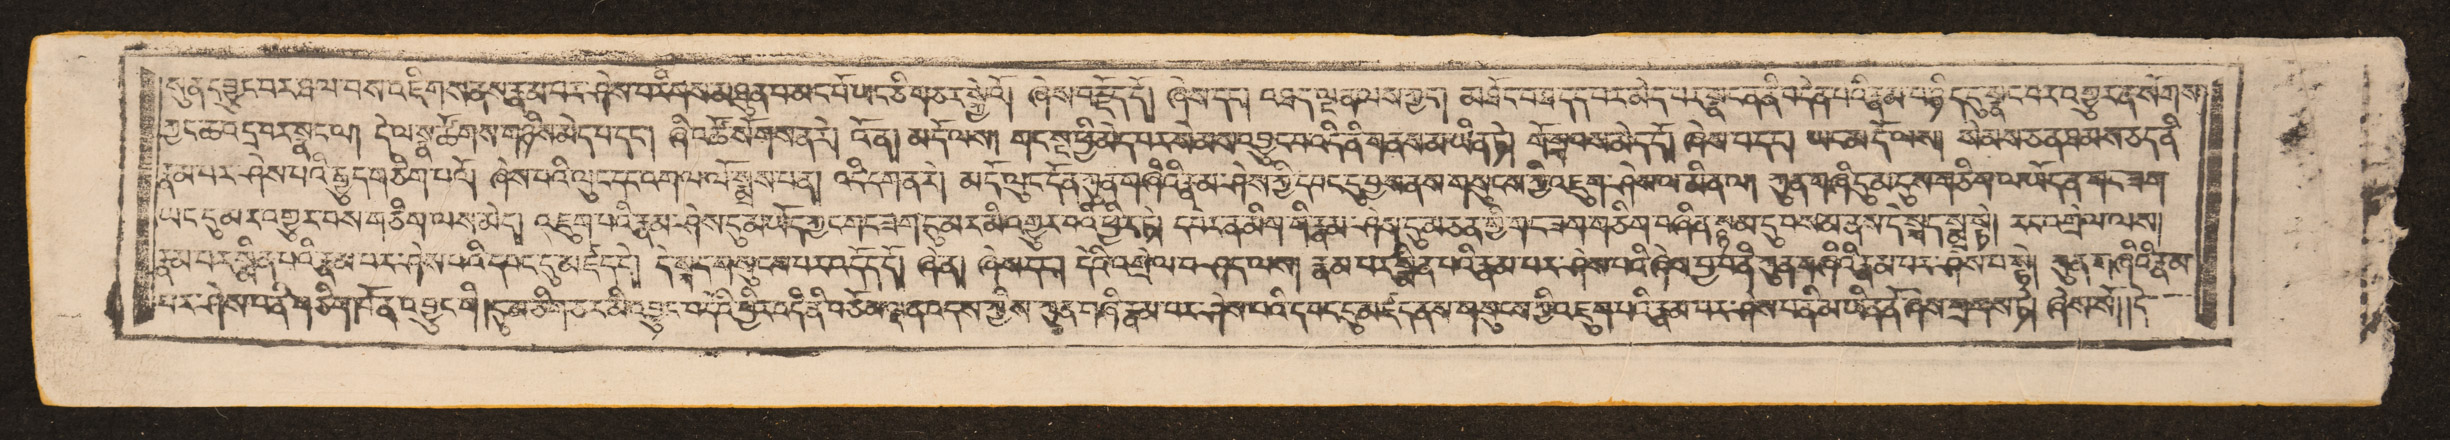སུན་དབྱུང་བར་ཐལ་བས་འཇིགས་ནས་རྣམ་པར་ཤེས་པ་རིགས་མཐུན་པ་མང་པོ་ཡང་ཅིག་ཅར་སྐྱེའོ། ཞེས་བརྗོད་དོ། ཞེས་དང་། འཐད་ལྡན་ལས་ཀྱང་། མཐོང་བ་ཐ་དད་པར་མེད་པར་སྣང་ན་ནི་བདེན་པའི་རྣམ་པ་ཉིད་དུ་སྣང་བར་འགྱུར་ན་སོགས་
ཀྱང་ཆ་འདྲ་བར་སྣང་ལ། དེ་ལ་སྣ་ཚོགས་གཉིས་མེད་པ་དང་། ཞི་འཆོ་སོགས་ན་རེ། འོ་ན། མདོ་ལས། གང་སྔ་ཕྱི་མེད་པར་སེམས་འབྱུང་བ་འདི་ནི་གནས་མ་ཡིན་ཏེ། གོ་སྐབས་མེད་དོ། ཞེས་པ་དང་། ཡང་མདོ་ལས། སེམས་ཅན་ཐམས་ཅད་ནི་
རྣམ་པར་ཤེས་པའི་རྒྱུད་གཅིག་པའོ། ཞེས་པའི་ལུང་དང་འགལ་ལོ་སྨྲས་པ་ན། འདི་དག་ན་རེ། མདོ་ལུང་དོན་ཀུན་གཞིའི་རྣམ་ཤེས་ཀྱི་དབང་དུ་བྱས་ནས་གསུངས་ཀྱི་འཇུག་ཤེས་ལ་མིན་ལ། ཀུན་གཞི་དུ་མ་དུས་གཅིག་ལ་ཡོད་ན་གང་ཟག་
ཡང་དུ་མར་འགྱུར་བས་གཅིག་ལས་མེད། འཇུག་བའི་རྣམ་ཤེས་དུ་མ་ཡོད་ཀྱང་གང་ཟག་དུ་མར་མི་འགྱུར་བའི་ཕྱིར་ཏེ། དཔེར་ན་མིག་གི་རྣམ་ཤེས་དུ་མ་ཅན་གྱི་གང་ཟག་གཅིག་བཞིན་སྙམ་དུ་བསམ་ནས་དེ་སྐད་སྨྲ་སྟེ། རང་འགྲེལ་ལས།
རྣམ་པར་སྨིན་པའི་རྣམ་པར་ཤེས་པའི་དབང་དུ་མཛད་དེ། དེ་སྐད་གསུངས་པར་འདོད་དོ། ཞེ་ན། ཞེས་དང་། དེའི་འགྲེལ་བཤད་ལས། རྣམ་པར་སྨིན་པའི་རྣམ་པར་ཤེས་པའི་ཞེས་བྱ་བ་ནི་ཀུན་གཞིའི་རྣམ་པར་ཤེས་པ་སྟེ། ཀུན་གཞིའི་རྣམ་
པར་ཤེས་པ་ནི་གཅིག་ཁོ་ན་འབྱུང་གི། དུ་མ་ཅིག་ཅར་མི་འགྱུར་བ་དེའི་ཕྱིར་འདི་ནི་བཅོམ་ལྡན་འདས་ཀྱིས་ཀུན་གཞི་རྣམ་པར་ཤེས་པའི་དབང་དུ་མཛད་ནས་གསུངས་ཀྱི་འཇུག་པའི་རྣམ་པར་ཤེས་པ་ནི་མ་ཡིན་ནོ་ཞེས་གྲགས་ཏེ། ཞེས་སོ། །དེ་